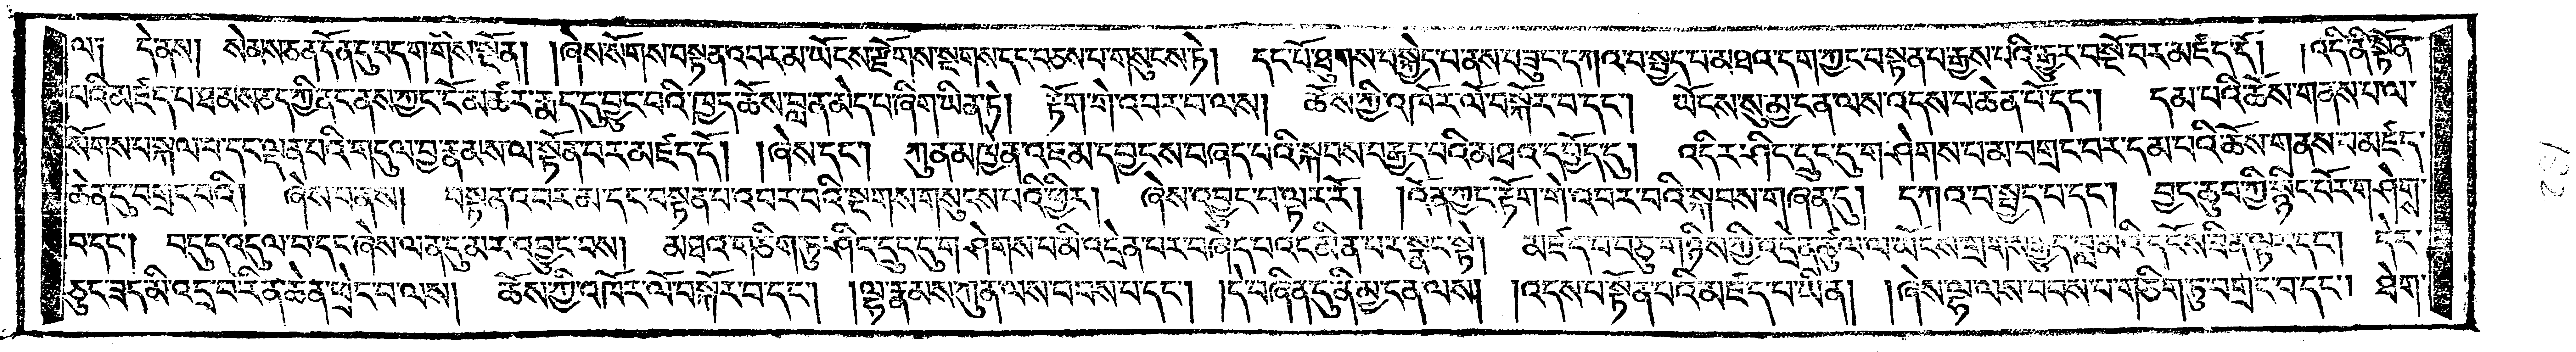ལ༑ དེ་ནས། སེམས་ཅན་དོན་དུ་བདག་གིས་སྔོན། །ཞེས་སོགས་བསྟན་འབར་མ་ཡོངས་རྫོགས་སྔགས་དང་བཅས་པ་གསུངས་ཏེ། དང་པོ་ཐུགས་བསྐྱེད་པ་ནས་བཟུང་དཀའ་བ་སྤྱད་པ་མཐའ་དག་ཀྱང་བསྟན་པ་རྒྱས་པའི་རྒྱུར་བསྔོ་བར་མཛད་དོ། །འདི་ནི་སྔོན་
པའི་མཛད་པ་ཐམས་ཅད་ཀྱི་ནང་ནས་ཀྱང་ངོ་མཚར་རྨད་དུ་བྱུང་བའི་ཁྱད་ཆོས་བླ་ན་མེད་པ་ཞིག་ཡིན་ཏེ། རྟོག་གེ་འབར་བ་ལས། ཆོས་ཀྱི་འཁོར་ལོ་བསྐོར་བ་དང་། ཡོངས་སུ་མྱ་ངན་ལས་འདས་པ་ཆེན་པོ་དང་། དམ་པའི་ཆོས་གནས་པ་ལ་
སོགས་བསྐལ་བ་དང་ལྡན་པའི་གདུལ་བྱ་རྣམས་ལ་སྟོན་པར་མཛད་དོ། །ཞེས་དང་། ཀུན་མཁྱེན་འཇམ་དབྱངས་བཞད་པའི་སྐབས་བརྒྱད་པའི་མཐའ་དཔྱོད་དུ། འདིར་ཤིང་དྲུང་དུ་གཤེགས་པ་མ་བགྲང་པར་དམ་པའི་ཆོས་གནས་བ་མཛད་
ཆེན་དུ་བགྲང་བའི། ཞེས་པ་ནས། བསྟན་འབར་མ་དང་བསྟན་པ་འབར་བའི་སྔགས་གསུངས་པའི་ཕྱིར། ཞེས་འབྱུང་བ་ལྟར་རོ། །འོན་ཀྱང་རྟོག་གེ་འབར་བའི་སྐབས་གཞན་དུ། དཀའ་བ་སྤྱད་པ་དང་། བྱང་ཆུབ་ཀྱི་སྙིང་པོར་གཤེགས་
བ་དང་། བདུད་འདུལ་བ་དང་ཞེས་ལན་དུ་མར་འབྱུང་བས། མཐའ་གཅིག་ཏུ་ཤིང་དྲུང་དུ་གཤེགས་པ་མི་འདྲེན་པར་བཞེད་པའང་མིན་པར་སྣང་སྟེ། མཛད་པ་བཅུ་གཉིས་ཀྱི་འདྲེན་ཚུལ་ལ་ཡོངས་གྲགས་རྒྱུད་བླ་མའི་དངོས་ཟིན་ལྟར་དང་། དེར་
ཅུང་ཟད་མི་འདྲ་བ་རིན་ཆེན་ཕྲེང་བ་ལས། ཆོས་ཀྱི་འཁོར་ལོ་བསྐོར་བ་དང་། །ལྷ་རྣམས་ཀུན་ལས་བབས་པ་དང་། །དེ་བཞིན་དུ་ནི་མྱ་ངན་ལས། །འདས་པ་སྟོན་པའི་མཛད་པ་ཡིན། །ཞེས་ལྷ་ལས་བབས་པ་གཅིག་ཏུ་བགྲང་བ་དང་། ཐེག་